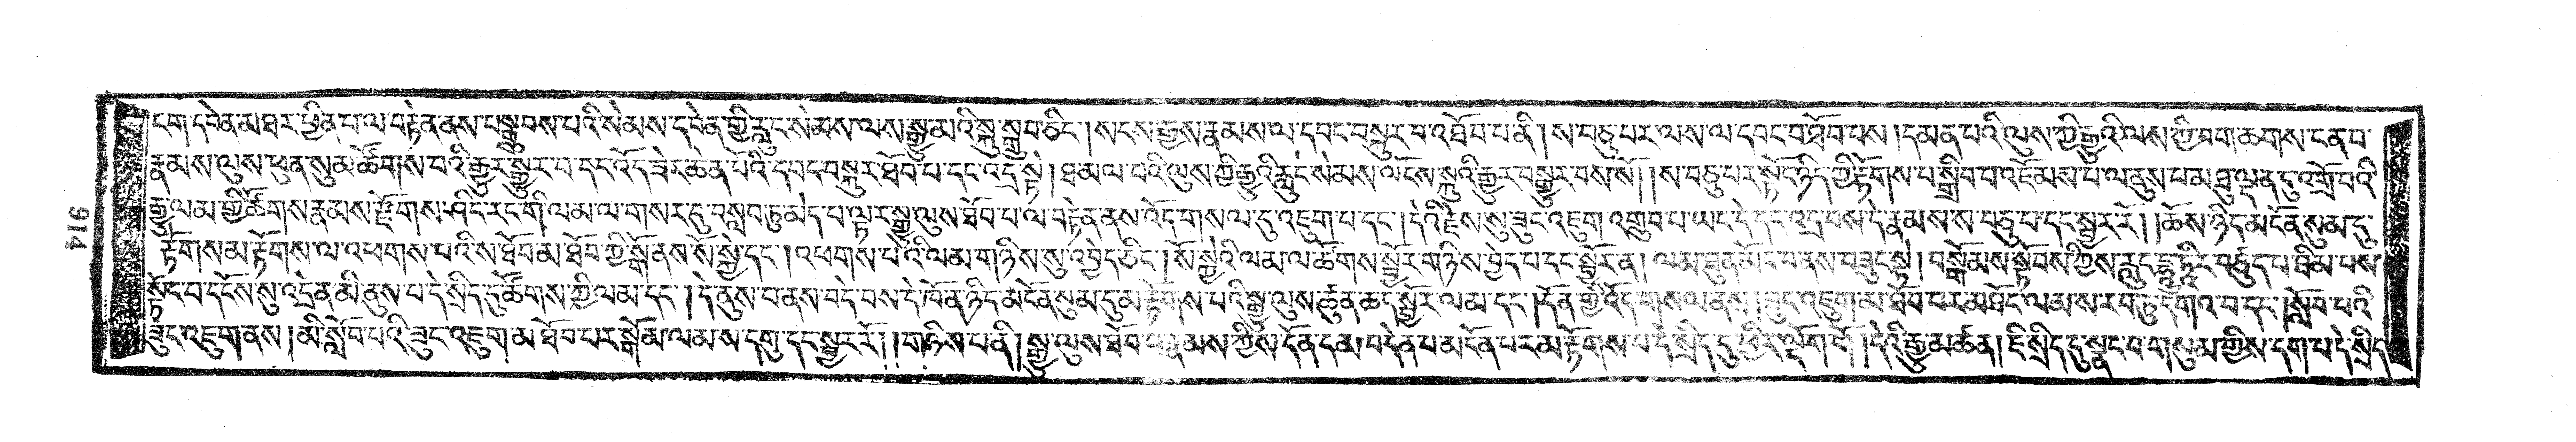ངག་དབེན་མཐར་ཕྱིན་པ་ལ་བརྟེན་ནས་བསྒྲུབས་པའི་སེམས་དབེན་གྱི་རླུང་སེམས་ལས་སྒྱུ་མའི་སྐུ་སྒྲུབ་ཅིང་། སངས་རྒྱས་རྣམས་ལ་དབང་བསྐུར་བ་འཐོབ་པ་ནི། ས་བཅུ་པར་ལས་ལ་དབང་བ་ཐོབ་པས། དམན་པའི་ལུས་ཀྱི་རྒྱུའི་ལས་ཀྱི་བག་ཆགས་ངན་པ་
རྣམས་ལུས་ཕུན་སུམ་ཚོགས་པའི་རྒྱུར་སྒྱུར་བ་དང་འོད་ཟེར་ཆེན་པོའི་དབང་བསྐུར་ཐོབ་པ་དང་འདྲ་སྟེ། ཐ་མལ་པའི་ལུས་ཀྱི་རྒྱུའི་རླུང་སེམས་ལོངས་སྐུའི་རྒྱུར་བསྒྱུར་བས་སོ། །ས་བཅུ་པར་སྟོང་ཉིད་ཀྱི་རྟོགས་པ་སྒྲིབ་པ་འཇོམས་པ་ལ་ནུས་པ་མཐུ་ལྡན་དུ་འགྲོ་བའི་
རྒྱུ་ལམ་གྱི་ཚོགས་རྣམས་རྫོགས་ཤིང་རང་གི་ལམ་ལ་གསར་དུ་བསླབ་ཏུ་མེད་པ་ལྟར་སྒྱུ་ལུས་ཐོབ་པ་ལ་བརྟེན་ནས་འོད་གསལ་དུ་འཇུག་པ་དང་། དེའི་རྗེས་སུ་ཟུང་འཇུག་འགྲུབ་པ་ཡང་དེ་དང་འདྲ་བས་དེ་རྣམས་ས་བཅུ་པ་དང་སྦྱར་རོ། །ཆོས་ཉིད་མངོན་སུམ་དུ་
རྟོགས་མ་རྟོགས་ལ་འཕགས་པའི་ས་ཐོབ་མ་ཐོབ་ཀྱི་སྒོ་ནས་སོ་སྐྱེ་དང་། འཕགས་པའི་ལམ་གཉིས་སུ་འབྱེད་ཅིང་། སོ་སྐྱེའི་ལམ་ལ་ཚོགས་སྦྱོར་གཉིས་བྱེད་པ་དང་སྦྱོར་ན། ལམ་ཐུན་མོང་བ་ནས་བཟུང་སྟེ། བསྒོམས་སྟོབས་ཀྱིས་རླུང་དྷཱུ་ཏཱིར་བཙུད་པ་ཐིམ་པས་
སྟོང་པ་དངོས་སུ་འདྲེན་མི་ནུས་པ་དེ་སྲིད་དུ་ཚོགས་ཀྱི་ལམ་དང་། དེ་ནུས་པ་ནས་བདེ་བས་དེ་ཁོ་ན་ཉིད་མངོན་སུམ་དུ་མ་རྟོགས་པའི་སྒྱུ་ལུས་ཚུན་ཆད་སྦྱོར་ལམ་དང་། དོན་གྱི་འོད་གསལ་ནས། ཟུང་འཇུག་མ་ཐོབ་པར་མཐོང་ལམ་ས་རབ་ཏུ་དགའ་བ་དང་། སློབ་པའི་
ཟུང་འཇུག་ནས། མི་སློབ་པའི་ཟུང་འཇུག་མ་ཐོབ་པར་སྒོམ་ལམ་ས་དགུ་དང་སྦྱར་རོ། །གཉིས་པ་ནི། སྒྱུ་ལུས་ཐོབ་པ་རྣམས་ཀྱིས་དོན་དམ་བདེན་པ་མངོན་པར་མ་རྟོགས་པ་དེ་སྲིད་དུ་ཕྱིར་ལྡོག་གོ །དེའི་རྒྱུ་མཚན། ཇི་སྲིད་དུ་སྣང་བ་གསུམ་གྱིས་དག་པ་དེ་སྲིད་